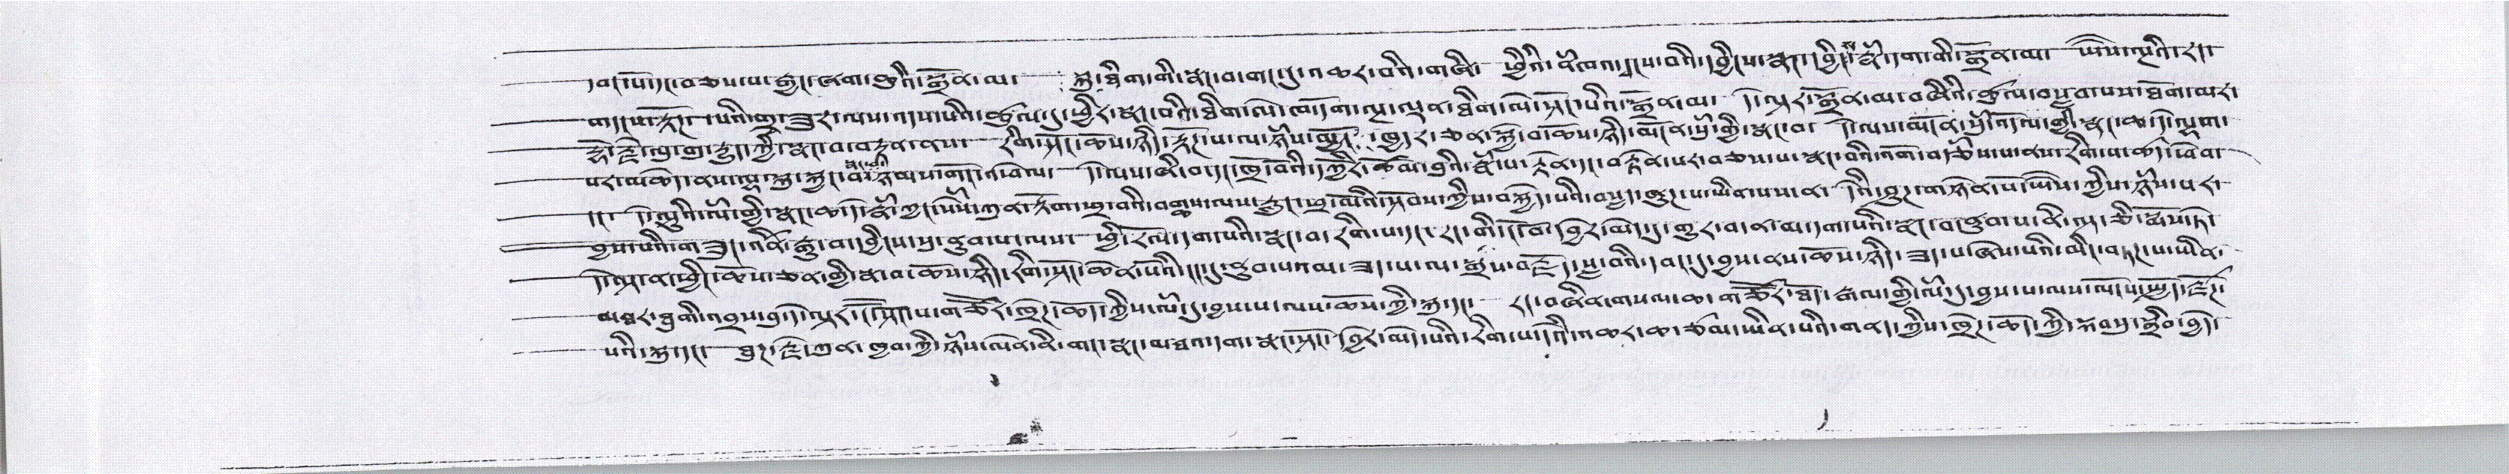དབང་པོ་དང་བཅས་པ་རྒྱང་ཞགས་ཆུ་ཡི་སྒྲོན་མ། སྐུ་ཐིག་གི་སྣང་བ་གང་དུ་འཆར་བའི་གཞི། ཕྱིའི་ནམ་མཁའ་དྭངས་པའི་དབྱིངས་སྣང་དབྱིངས་རྣམ་དག་གི་སྒྲོན་མ། ཡེ་ཤེས་ལྔ་ཡི་རང་
གདངས་རྟོིག་པའི་གྲྭ་ཟུར་ལས་འདས་པའི་ཚུལ་དུ་ཕྱིར་སྣང་བའི་ཐིག་ལེ་ཁ་དོག་ལྔ་ལྡན་ཐིག་ལེ་སྟོང་པའི་སྒྲོན་མ། དེ་ལྟར་སྒྲོན་མ་བཞིའི་ཚུལ་བསླབས་པས་ཐོག་མར་
རྡོ་རྗེ་ལུ་གུ་རྒྱུད་ཀྱི་སྣང་བ་བརྟས་ནས། རིག་སྟོང་ཆོས་ཉིད་རྟོགས་པ་ལ་ཉམས་མྱོང་ཁྱད་པར་ཅན་སྐྱེ་བ་ཆོས་ཉིད་མངོན་སུམ་གྱི་སྣང་བ། དེ་ལས་མངོན་སུམ་འོད་གསལ་གྱི་སྣང་ཆ་དེ་ལྷག་
པར་མཆེད་ནས་ལྷ་སྐུ་རྐྱང་པ་ཡི་ཉམས་གོང་འཕེལ། དེ་ལས་ཞི་བ་དང་ཁྲོ་བོའི་དཀྱིལ་འཁོར་ཚོམ་བུའི་རྣམ་པ་རྟེན་དང་བརྟེན་པར་བཅས་པ་སྣང་བའི་འགོ་བརྩམས་པ་ནས་རིག་པ་ཚད་ཕེབས་
དང་། དེ་ལྟ་བུའི་ལམ་གྱི་སྣང་ཆ་དེ་རྣམས་ཀྱང་སེམས་ཀུན་རྟོག་ཕྲ་བའི་བག་ཆགས་ལས་རླུང་ཕྲ་མོའི་སྟོབས་ཀྱིས་བསྐྱེད་པའི་བསླད་ཞུགས་པ་ཡིན་པས་ན། དེའི་ཤུགས་གཉེན་པོ་ཡེ་ཤེས་ཀྱིས་ཉམས་པར་
བྱས་པའི་གཟུང་འཛིན་རྒྱུ་བ་དབྱིངས་སུ་ནུབ་པ་ལས། ཕྱི་རོལ་དག་པའི་སྣང་བ་རིག་པ་དང་རང་གི་ངོ་བོ་དབྱེར་མེད་དུ་གྱུར་པ་ན་མ་དག་པའི་སྣང་བ་ནུབ་པ་ནི་ལྟ་ཅི་སྨོས་ཏེ། 
དེ་ལྟ་ན་ཕྱི་ནང་ཆོས་ཅན་གྱི་སྣང་བ་ཆོས་ཉིད་རིག་སྟོང་ཆེན་པོའི་ངང་དུ་ནུབ་པའམ་ཟད་པ་ལ་སྒྲས་བརྗོད་སླ་བའི་དབང་དུ་བྱས་ནས་ཆོས་ཉིད་ཟད་པ་ཞེས་པའི་མིང་བཏགས་པ་ཡིན། 
མཐར་ཐུག་གི་འབྲས་བུ་དེ་ལྟར་ངོ་བོ་སྟོང་པ་གཙོ་བོར་ཁྲེགས་ཆོད་ཀྱིས་ལམ་དུ་བྱས་པ་ལ་ཆོས་ཀྱི་སྐུ་དང་། རང་བཞིན་གསལ་ཆ་གཙོ་བོར་ཐོད་རྒལ་གྱི་ལམ་དུ་བྱས་པ་ལས་ལོངས་སྤྱོད་རྫོགས་
པའི་སྐུ་དང་། ཐུགས་རྗེ་ཀུན་ཁྱབ་ཀྱི་ཉམས་ལེན་ནི་གང་སྣང་མཐའ་དག་སྣང་སྟོང་དབྱེར་མེད་པའི་རིག་པ་དེའི་འཆར་ཆ་ཙམ་ཡིན་པའི་གནད་ཀྱིས་ཁྲེགས་ཆོད་ཀྱི་སྐབས་སུ་སྒྲིབ་བྱེད་